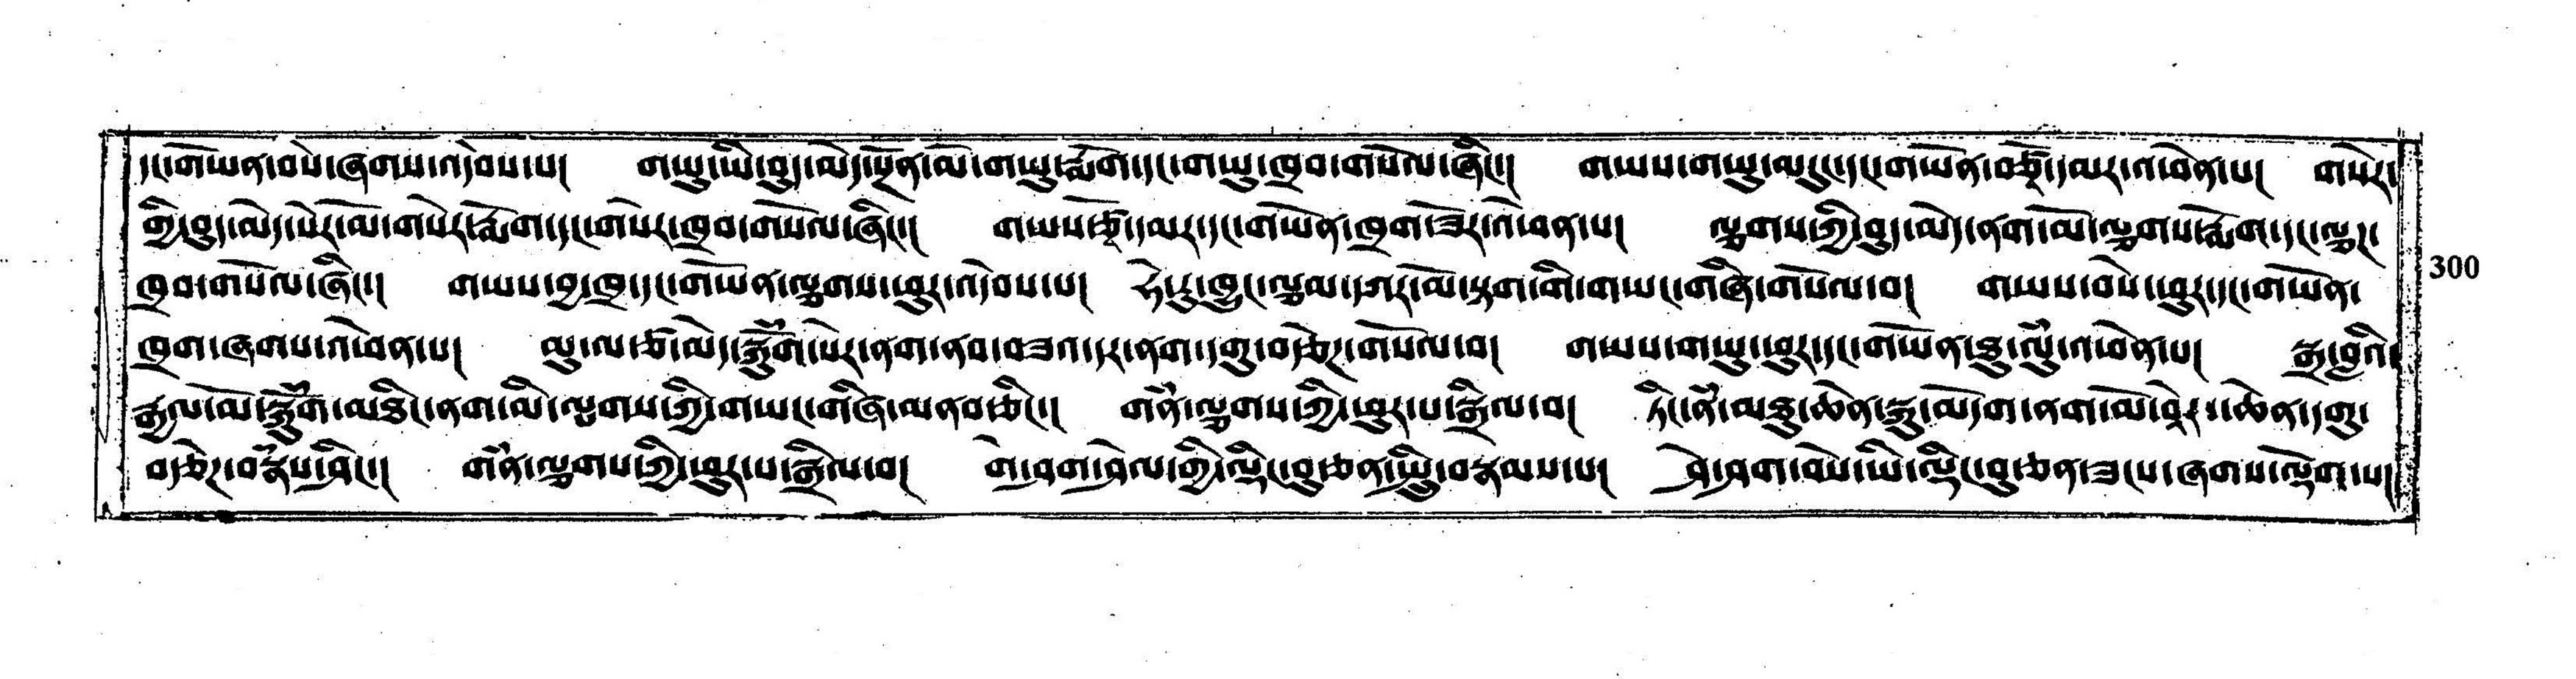དང་གཡོན་བསེ་ཞགས་འདེབས་པ། གཡུ་ཡི་བུད་མེད་སྔོན་མོ་གཡུ་རྨོག་དང་གཡུ་ཁྲབ་གསོལ་ཞིང་། གཡས་གཡུ་མདུང་དང་གཡོན་བཙྭོ་དམར་འཕེན་པ། གསེར་
གྱི་བུད་མེད་སེར་མོ་གསེར་རྨོག་དང་གསེར་ཁྲབ་གསོལ་ཞིང་། གཡས་ཙྭོ་དམར་དང་གཡོན་ཁྲག་ཟོར་འཕེན་པ། ལྕགས་ཀྱི་བུད་མེད་ནག་མོ་ལྕགས་རྨོག་དང་ལྕགས་
ཁྲབ་གསོལ་ཞིང་། གཡས་བྱ་ཁྲ་དང་གཡོན་ལྕགས་ཕུར་འདེབས་པ། ཧེ་རུ་ཁྱུང་ལྕམ་དཀར་མོ་སྟག་གི་གཡང་གཞི་གསོལ་བ། གཡས་བསེ་ཕུར་དང་གཡོན་
ཁྲག་ཞགས་འཕེན་པ། མུ་ལ་ཙ་མེད་སྐུ་མདོག་སེར་ནག་ནབ་བཟའ་དར་ནག་དགུ་བརྩེགས་གསོལ་བ། གཡས་གཡུ་ཕུར་དང་གཡོན་ཐུ་ལུམ་འཕེན་པ། སྒྲ་བླའི་
རྒྱལ་མོ་སྐུ་མདོག་མཐིང་ནག་མི་ལྤགས་ཀྱི་གཡང་གཞི་མནབ་ཅིང་། གནམ་ལྕགས་ཀྱི་ཕུར་པ་སྒྲིལ་བ། ཏིང་ནམ་མཐུ་ཆེན་སྐུ་མདོག་ནག་མོ་བཱེར་ཆེན་དགུ་
བརྩེགས་བསྣམས་ཤིང་། གནམ་ལྕགས་ཀྱི་ཕུར་པ་སྒྲིལ་བ། གེ་ཤག་ཤེལ་གྱི་ལྡིང་བུ་ཅན་སྤུ་གྲི་བསྣམས་པ། ཤེ་ཤག་བསེ་ཡི་ལྡིང་བུ་ཅན་ཟངས་ཞགས་ལྡོག་པ།